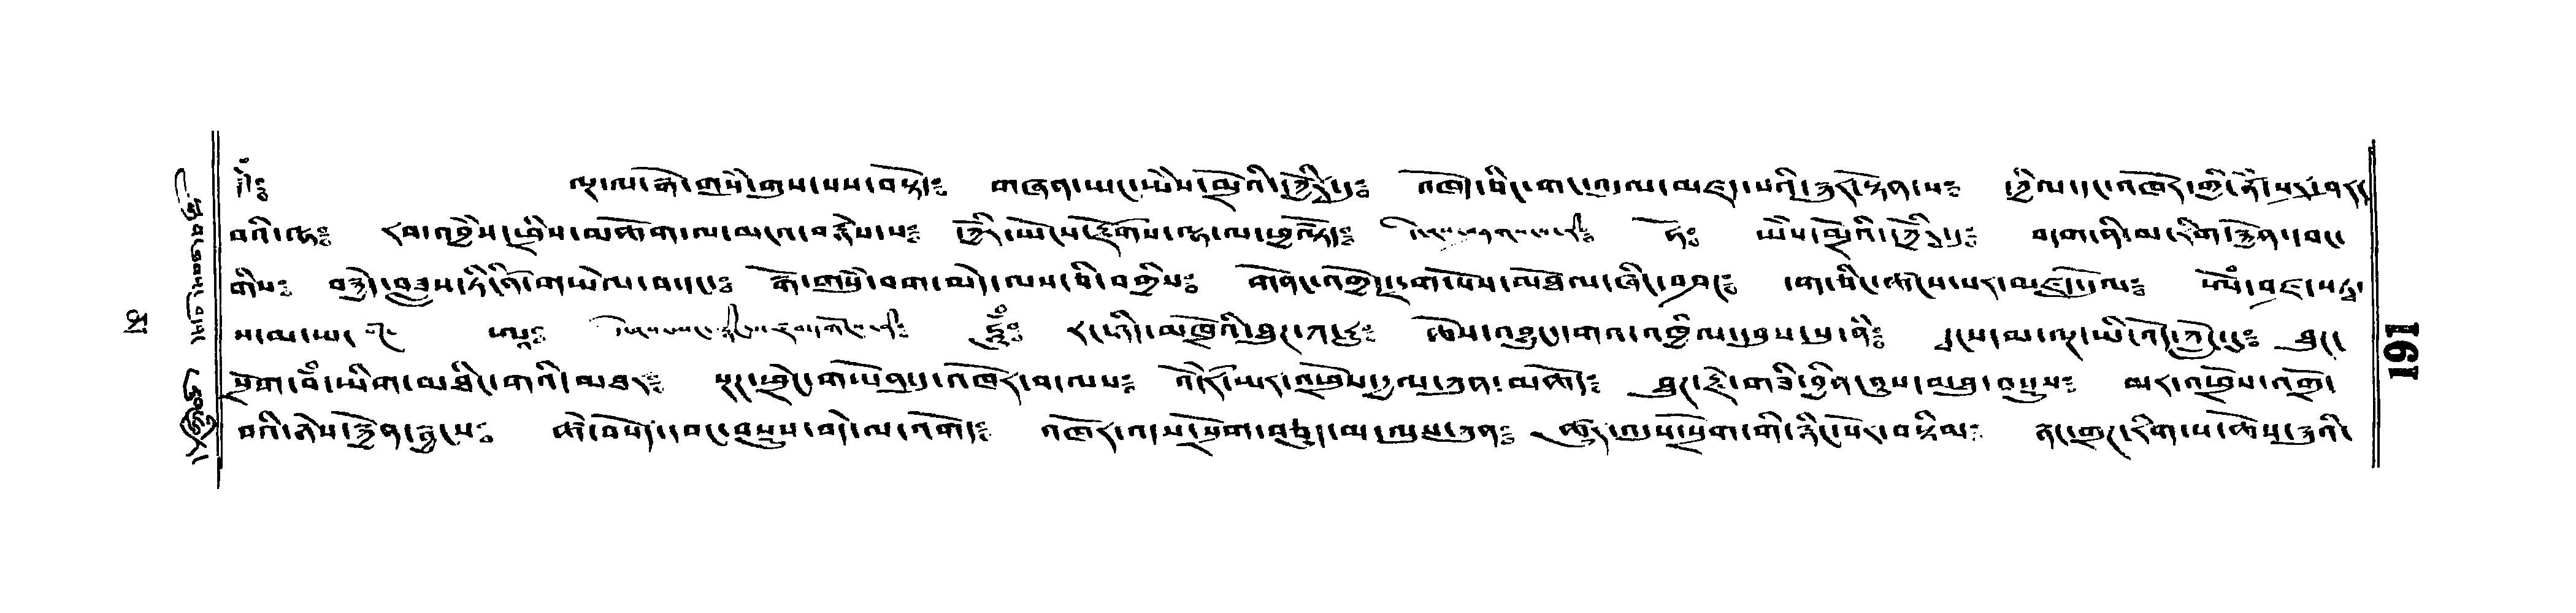ལྔ་ལ་སྒོ་གསུམ་གུས་པས་བསྟོད༔ གཞན་ཡང་ཡེ་ཤེས་མཁའ་འགྲོའི་དཀྱིལ་འཁོར་དུ༔ འཁོད་ཅིང་གང་འདུལ་མཛད་པའི་སྐུར་སྟོན་པ༔ དཀྱིལ་དང་འཁོར་གྱི་རྣམ་པར་ཤར་
བའི་ལྷ༔ རབ་འབྱམས་ཕྲིན་ལས་མཆོག་ལ་མངའ་བརྙེས་པ༔ དཀྱིལ་འཁོར་ཡོངས་རྫོགས་ལྷ་ལ་ཕྱག་འཚལ་བསྟོད༔ དེ་ནས་བཤགས་པ་ནི༔ ཧོཿ ཡེ་ཤེས་མཁའ་འགྲོའི་དཀྱིལ་འཁོར་དུ༔ བདག་ནི་མ་རིག་སྐྱོན་དབང་
གིས༔ བསྐྱེད་བཟླས་ཏིང་འཛིན་གཡེལ་བ་དང༔ སྒོ་གསུམ་བག་མེད་ལས་ཅི་བགྱིས༔ གནོང་འགྱོད་དྲག་པོས་མཐོལ་ཞིང་བཤགས༔ དག་ཅིང་ཚངས་པར་མཛད་དུ་གསོལ༔ ཨོཾ་བཛྲ་སཏྭ་
ས་མ་ཡ་སོགས༔ ཨཱཿ དེ་ནས་ཡང་སྙིང་འཛབ་དགོངས་ནི༔ ཧཱུྃ༔ རང་ཉིད་མཁའ་འགྲོའི་ཐུགས་ཀ་རུ༔ ཆོས་འབྱུང་དགའ་འཁྱིལ་དབུས་སུ་ནི༔ དྭངས་མ་ལྔ་ཡི་འོད་ཀློང་དུ༔ ཐུགས་
སྲོག་བྃ་ཡིག་མཐིང་གའི་མཐར༔ སྔགས་ཕྲེང་གཡོན་དུ་འཁོར་བ་ལས༔ འོད་ཟེར་ཡར་འཕྲོས་རྒྱལ་ཀུན་མཆོད༔ ཐུགས་རྗེ་གཟི་བྱིན་ནུས་མཐུ་བསྡུས༔ མར་འཕྲོས་འགྲོ་
བའི་ཉེས་སྐྱོན་སྦྱངས༔ ཚེ་བསོད་དབང་བསྡུས་བདེ་ལ་བཀོད༔ འཁོར་འདས་སྲོག་བཅུད་མ་ལུས་ཀུན༔ ཚུར་འདུས་སྲོག་གི་སྙིང་པོར་བསྟིམ༔སྣང་གྲགས་རིག་པ་ཆོས་སྐུའི་